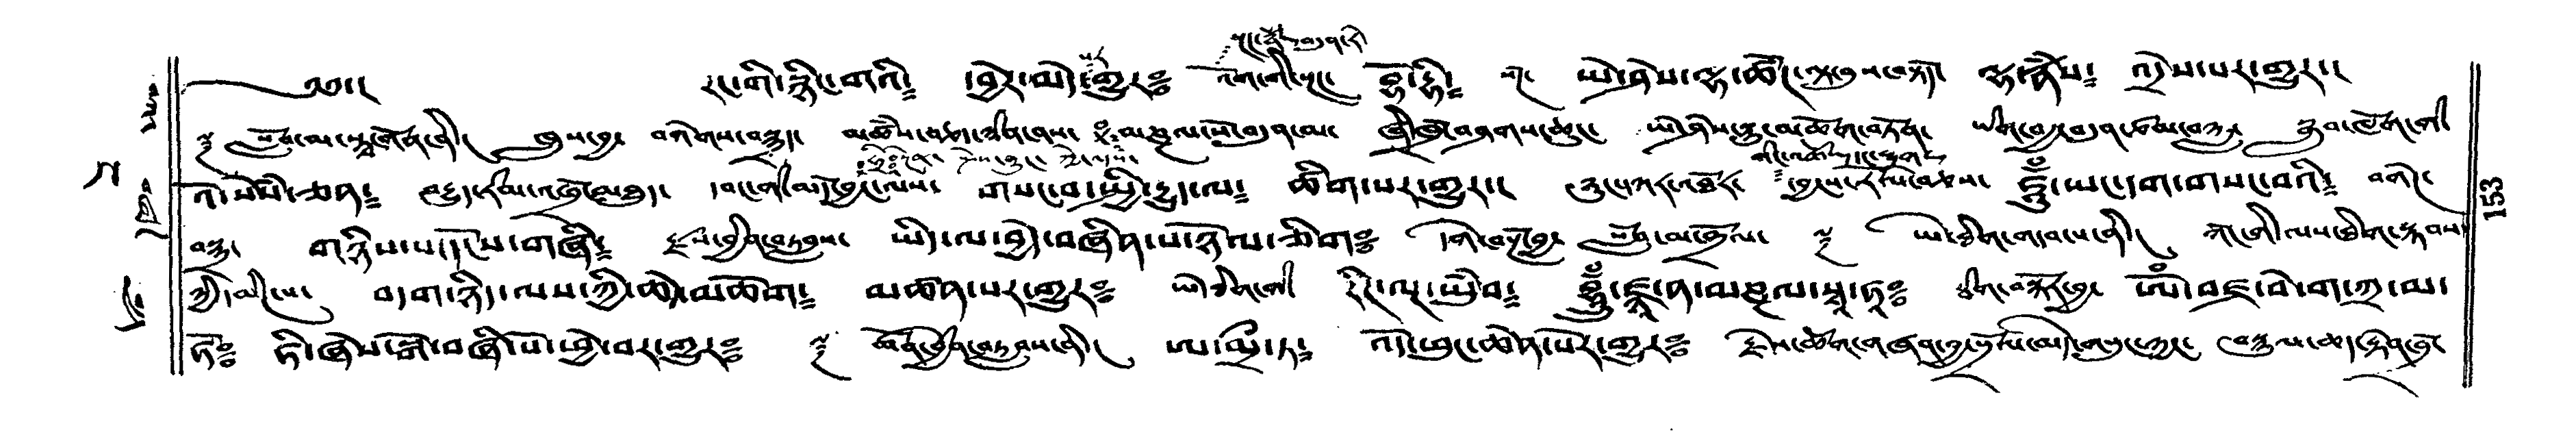རང་གི་སྙིང་གའི༴ དབྱེར་མེད་པར་གྱུར༔ འོག་གི་སྔགས། བྷོ་དྷི༴ སོགས། ཡེ་ཤེས་ལྷ་ཚོགས་ལྟ་བུས་བསྟོད། ལྷ་རྣམས༴ འདྲེས་པར་གྱུར། 
༈ སློབ་མ་སྟ་གོན་ནི། ཁྲུས་བྱ། བགེགས་བསྐྲད། མཚམས་བཅད་ཟིན་ནས།མཎྜལ་སོ་བདུན་མ། ཞི་ཁྲོ་བཤགས་ཆུང་། ཡེ་ཤེས་སྐུ་མཆོག ཡིག་བརྒྱ་བདུན་ཙམ་བཟླ། སྒྲུབ་ཁོག་གི
འོ། སེམས་ཅན༴ བརྒྱུད་རིམ་འཕྲོ་མཐུད། དབང་གི་མདོ་བྱང་ལས། གསང་བ་སྤྱི་རྒྱུད༴ ཚིག་པར་གྱུར། ཡུངས་དཀར་འཐོར། གིང་འཆམ་དང་སྦྲགས་དབྱངས་རོལ་བཅས། ཧཱུྃ༔ ཡང་དག་གསང་བའི༴ བགེགས་
བསྐྲད། གཉིས་པ་དངོས་གཞི། རྫས་བྱིན་རླབས། ཡིད་ལ་བྱེད་བཞིན་ཉོལ་ཅིག༔ དགེ་བསྔོ་བྱ། སློབ་མ་གྲོལ། ༈ ཡེ་ཐིག་གདབ་པ་ནི། གོང་གི་ལས་ཐིག་སྐབས་
ཀྱི་དམིགས་པ། བདག་ཉིད་ལས་ཀྱི་ཆེ་མཆོག༴ མཚན་པར་གྱུར༔ ཡེ་ཐིག་གི རིགས་ལྔ་ཡབ་ཡུམ༴ བྷྲུྃ་ཛྙཱ་ན་མཎྜལ་སྭ་ཧཱ༔ ཐིག་སྐོར་བྱ། ཨོཾ་བཛྲ་བེ་ག་ཀྲ་མ་
ཧོ༔ ཧི་ཞེས་སྒོ་བཞི་པོ་ཕྱེ་བར་གྱུར༔ ༈ ཚོན་བྱིན་རླབས་ནི། ཨ་མྲྀ་ཏ༴ འོད་ཕུང་ཆེན་པོར་གྱུར༔ རྗེས་ཆོག་གཞན་བྱ་སྲོལ་མེད་གསུང་ཡང་། བསྐུལ་ཆད་བརྟན་བྲོ་